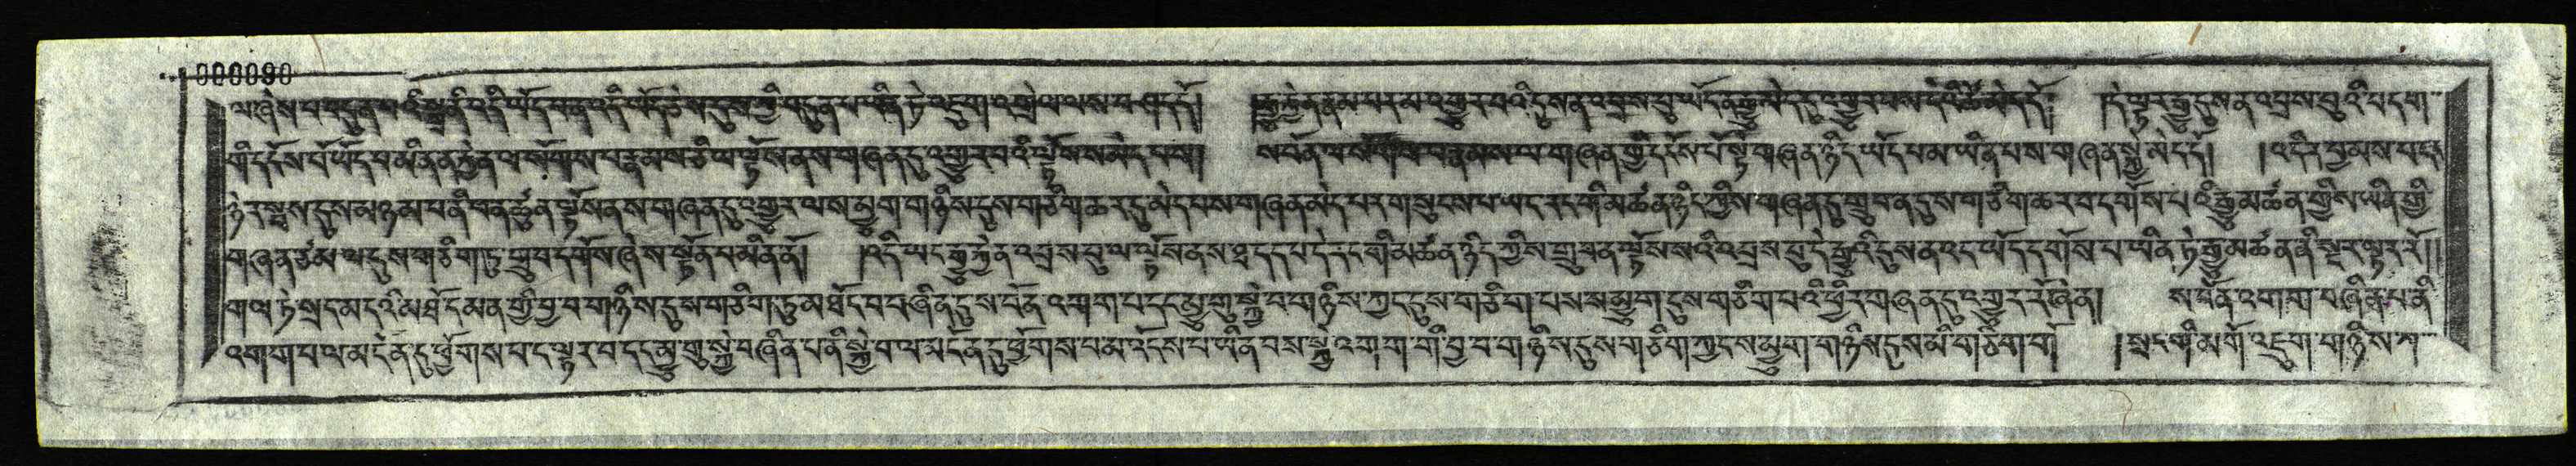ལ་ཞེས་པ་བདུན་པའི་སྒྲ་ནི་འདི་ཡོད་པ་ན་འདི་ཡོད་ཅེས་དུས་ཀྱི་བདུན་པ་ཡིན་ཏེ་འཇུག་འགྲེལ་ལས་བཤད་དོ། །རྒྱུ་རྐྱེན་རྣམ་པར་མ་འགྱུར་བའི་དུས་ན་འབྲས་བུ་ཡོད་ན་རྒྱུ་མེད་དུ་འགྱུར་བས་དེའི་ཚེ་མེད་དོ། །དེ་ལྟར་རྒྱུ་དུས་ན་འབྲས་བུའི་བདག་
གི་དངོས་པོ་ཡོད་པ་མིན་ན་རྐྱེན་ལ་སོགས་པ་རྣམས་ཅི་ལ་ལྟོས་ནས་གཞན་དུ་འགྱུར་བའི་ལྟོས་ས་མེད་པས། ས་བོན་ལ་སོགས་པ་རྣམས་ལ་གཞན་གྱི་དངོས་པོ་སྟེ་གཞན་ཉིད་ཡོད་པ་མ་ཡིན་པས་གཞན་སྐྱེ་མེད་དོ། །འདིར་བྱམས་པ་དང་
ཉེར་སྤས་དུས་མཉམ་པ་ནི་ཕན་ཚུན་ལྟོས་ནས་གཞན་དུ་འགྱུར་ལས་མྱུག་གཉིས་དུས་གཅིག་ཆར་དུ་མེད་པས་གཞན་མེད་པར་གསུངས་པ་ཡང་རང་གི་མཚན་ཉིད་ཀྱིས་གཞན་དུ་གྲུབ་ན་དུས་གཅིག་ཆར་བ་དགོས་པའི་རྒྱུ་མཚན་གྱིས་ཡིན་གྱི་
གཞན་ཙམ་ལ་དུས་གཅིག་ཏུ་གྲུབ་དགོས་ཞེས་སྟོན་པ་མིན་ནོ། །འདི་ཡང་རྒྱུ་རྐྱེན་འབྲས་བུ་ལ་ལྟོས་ནས་ཐ་དད་པ་དེ་རང་གི་མཚན་ཉིད་ཀྱིས་གྲུབ་ན་ལྟོས་སའི་འབྲས་བུ་དེ་རྒྱུའི་དུས་ནའང་ཡོད་དགོས་པ་ཡིན་ཏེ་རྒྱུ་མཚན་ནི་སྔར་ལྟར་རོ།།
གལ་ཏེ་སྲད་མངའི་མཐོ་དམན་གྱི་བྱ་བ་གཉིས་དུས་གཅིག་ཏུ་མཐོང་བ་བཞིན་དུ་ས་བོན་འགག་པ་དང་མྱུ་གུ་སྐྱེ་བ་གཉིས་ཀྱང་དུས་གཅིག་པས་ས་མྱུག་དུས་གཅིག་པའི་ཕྱིར་གཞན་དུ་འགྱུར་རོ་ཞེ་ན། ས་བོན་འགག་བཞིན་པ་ནི་
འགག་པ་ལ་མངོན་དུ་ཕྱོགས་པ་ད་ལྟར་བ་དང་མྱུ་གུ་སྐྱེ་བཞིན་པ་ནི་སྐྱེ་བ་ལ་མངོན་དུ་ཕྱོགས་པ་མ་འོངས་པ་ཡིན་པས་སྐྱེ་འགག་གི་བྱ་བ་གཉིས་དུས་གཅིག་ཀྱང་ས་མྱུག་གཉིས་དུས་མི་གཅིག་གོ །སྲང་གི་མགོ་འཇུག་གཉིས་ཀ་